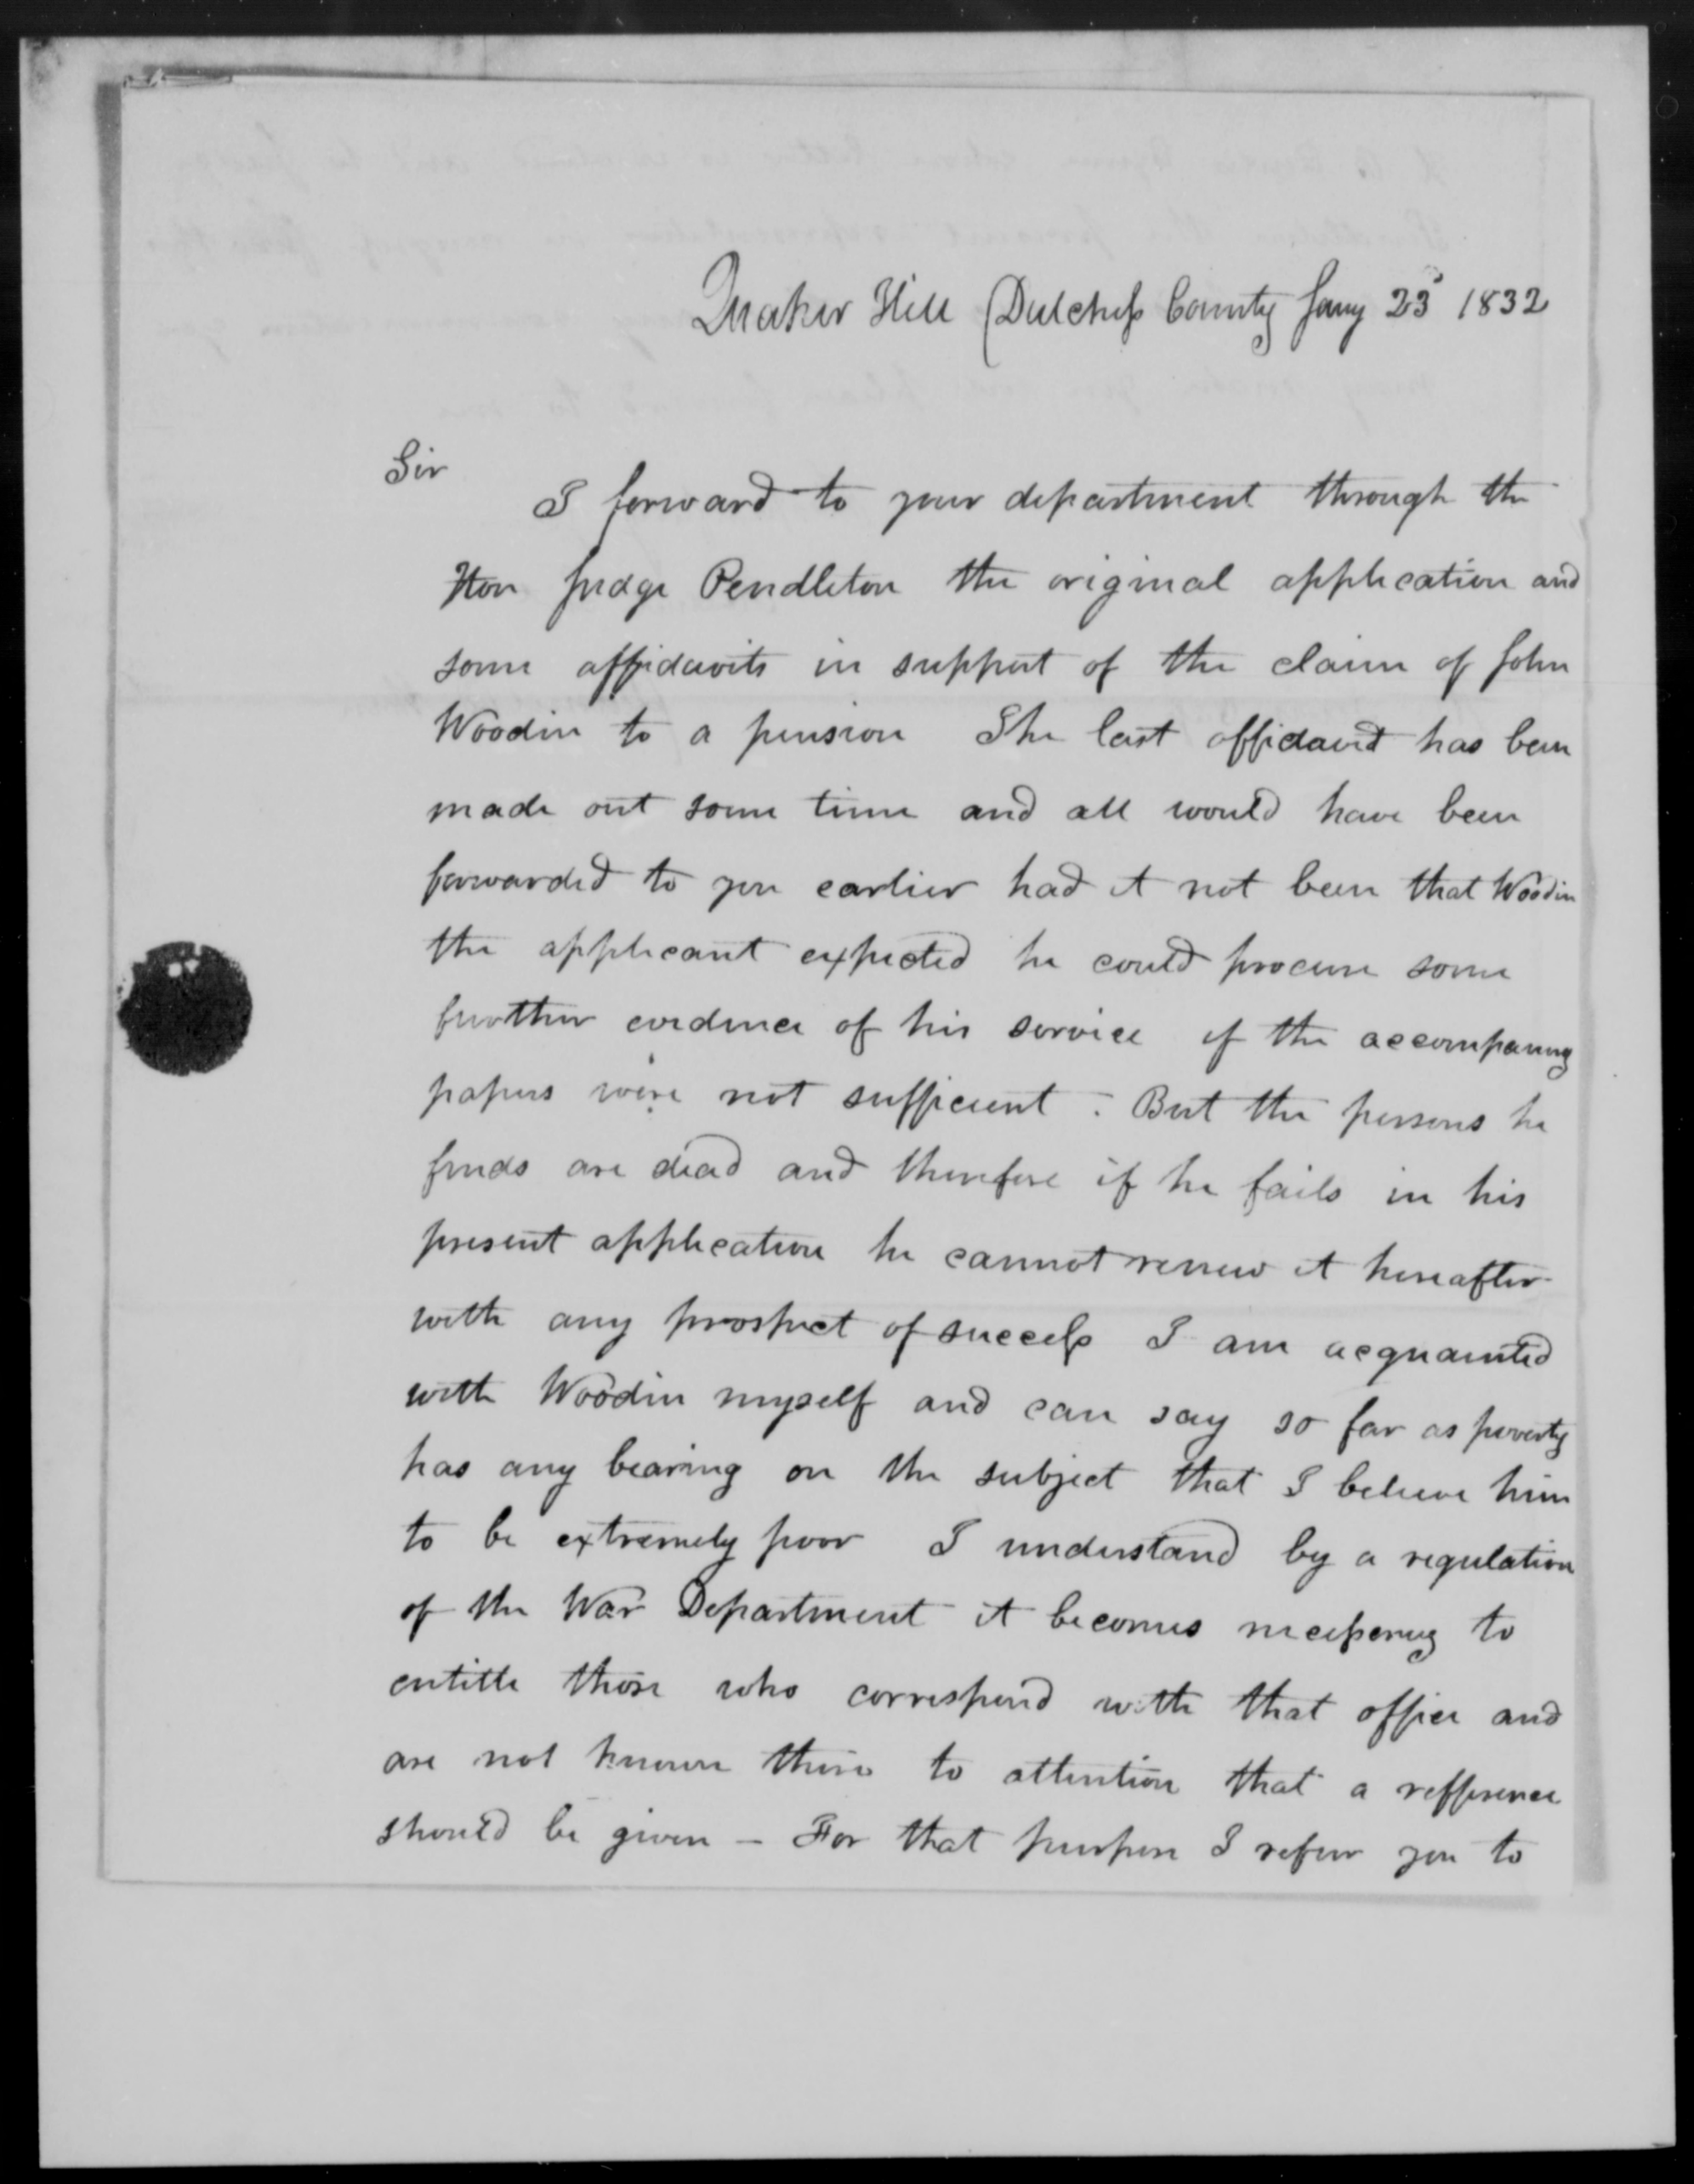Quaker Hill Dutchess County Jany 23d 1832 
Sir
I forward to your department through the Hon Judge Pendleton the original application and some affidavits in support of the claim of John Woodin to a pension The last affidavit has been made out some time and all would have been forwarded to you earlier had it not been that Woodin the applicant expected he could procure some further evidence of his service if the accompany papers were not sufficient. But the persons he finds are dead and therefore if he fails in his present application he cannot renew it hereafter with any prospect of success I am acquainted with Woodin myself and can say so far as poverty has any bearing on the subject that I believe him to be extremely poor I understand by a regulation of the War Department it becomes necessary to entitle those who correspond with that office and are not known their to attention that a refference should be given. For that purpose I refer you to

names: John Woodin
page: 72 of 77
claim: widow's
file: W. 19658, John Woodin, New York